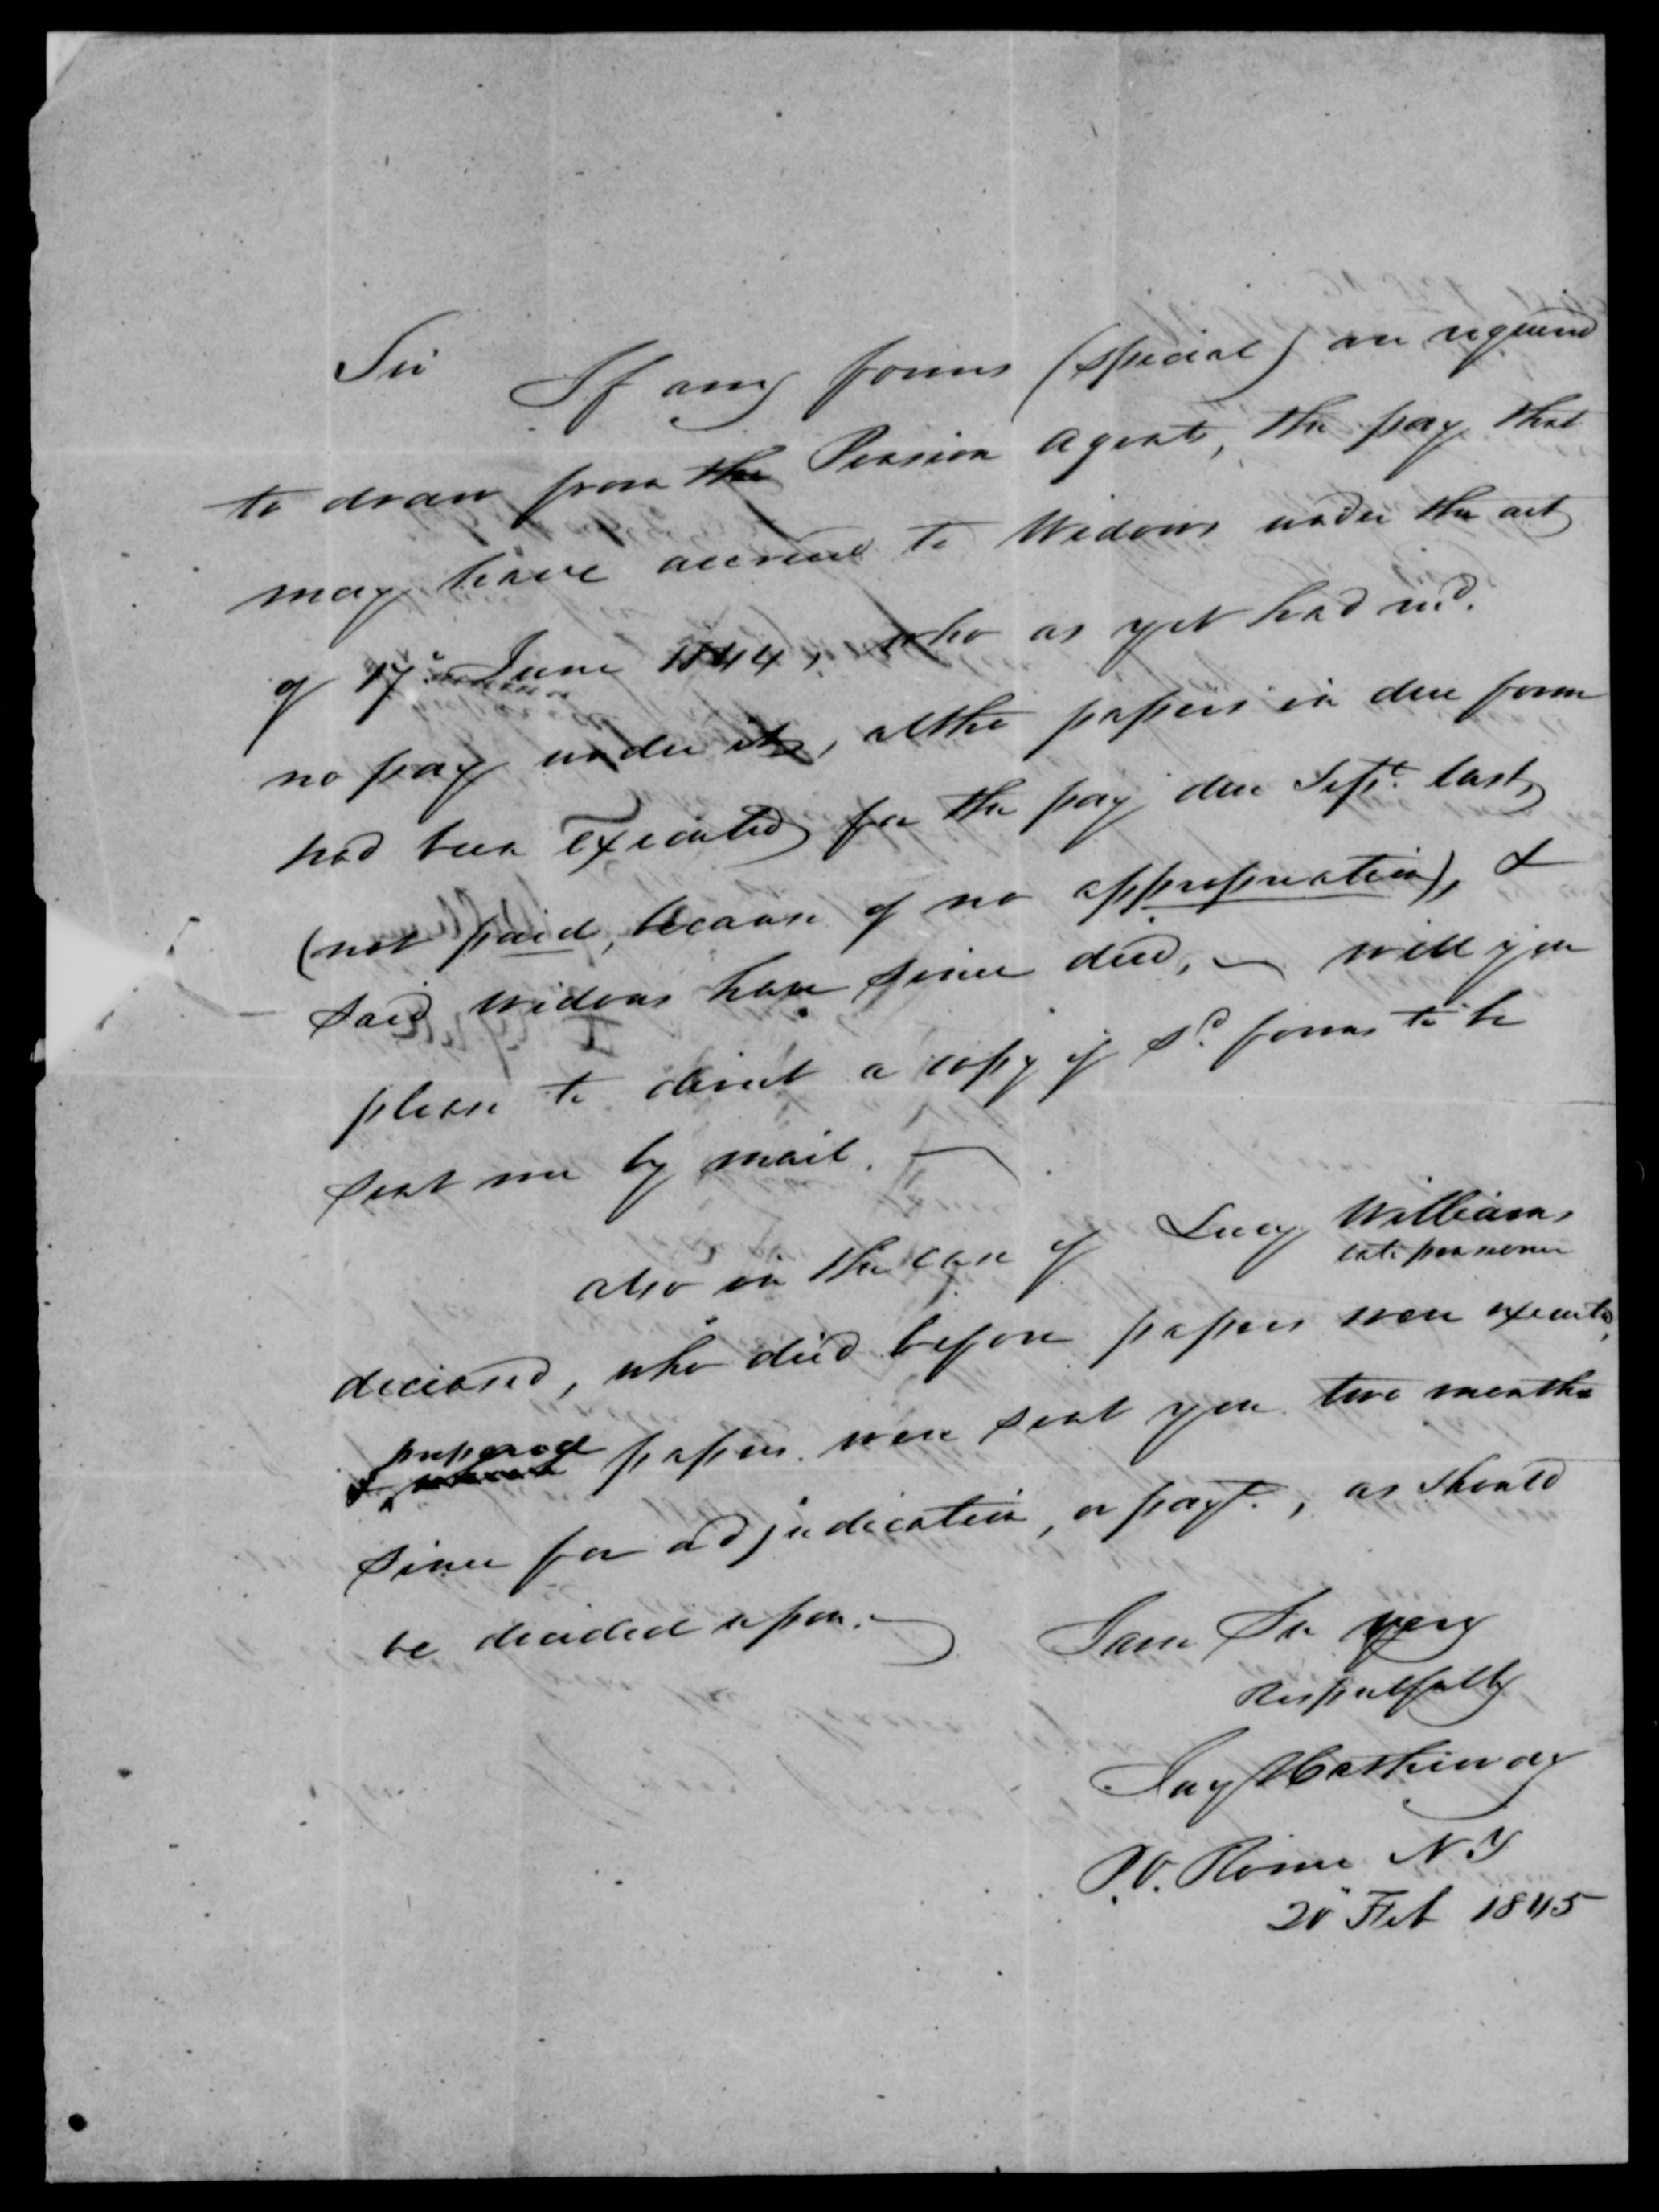Sir
If any forms (special) are required to draw from the Pension Agent, the pay that may have accredited to Widows under the act of 17 June 1844 who as yet had recd. no pay under the other papers in due form had been executed for the pay due Sept. last. (not paid because of no appropriation), I said widows have since died. Will you please to (illegible) a copy of SC forms to be sent me by mail. Also in the case of Lucy Williams (illegible) deceased, who died before papers were executed supposed papers were seat your true (illegible) since for adjudication, or payt., as should be decided upon.
I am Sir very respectfully
Jay Hathaway
P V Rome N Y
20 Feb 1845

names: Lucy Williams, Jay Hatheway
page: 33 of 63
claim: widow's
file: W. 22,632, David Williams, Conn. Continental Privateer